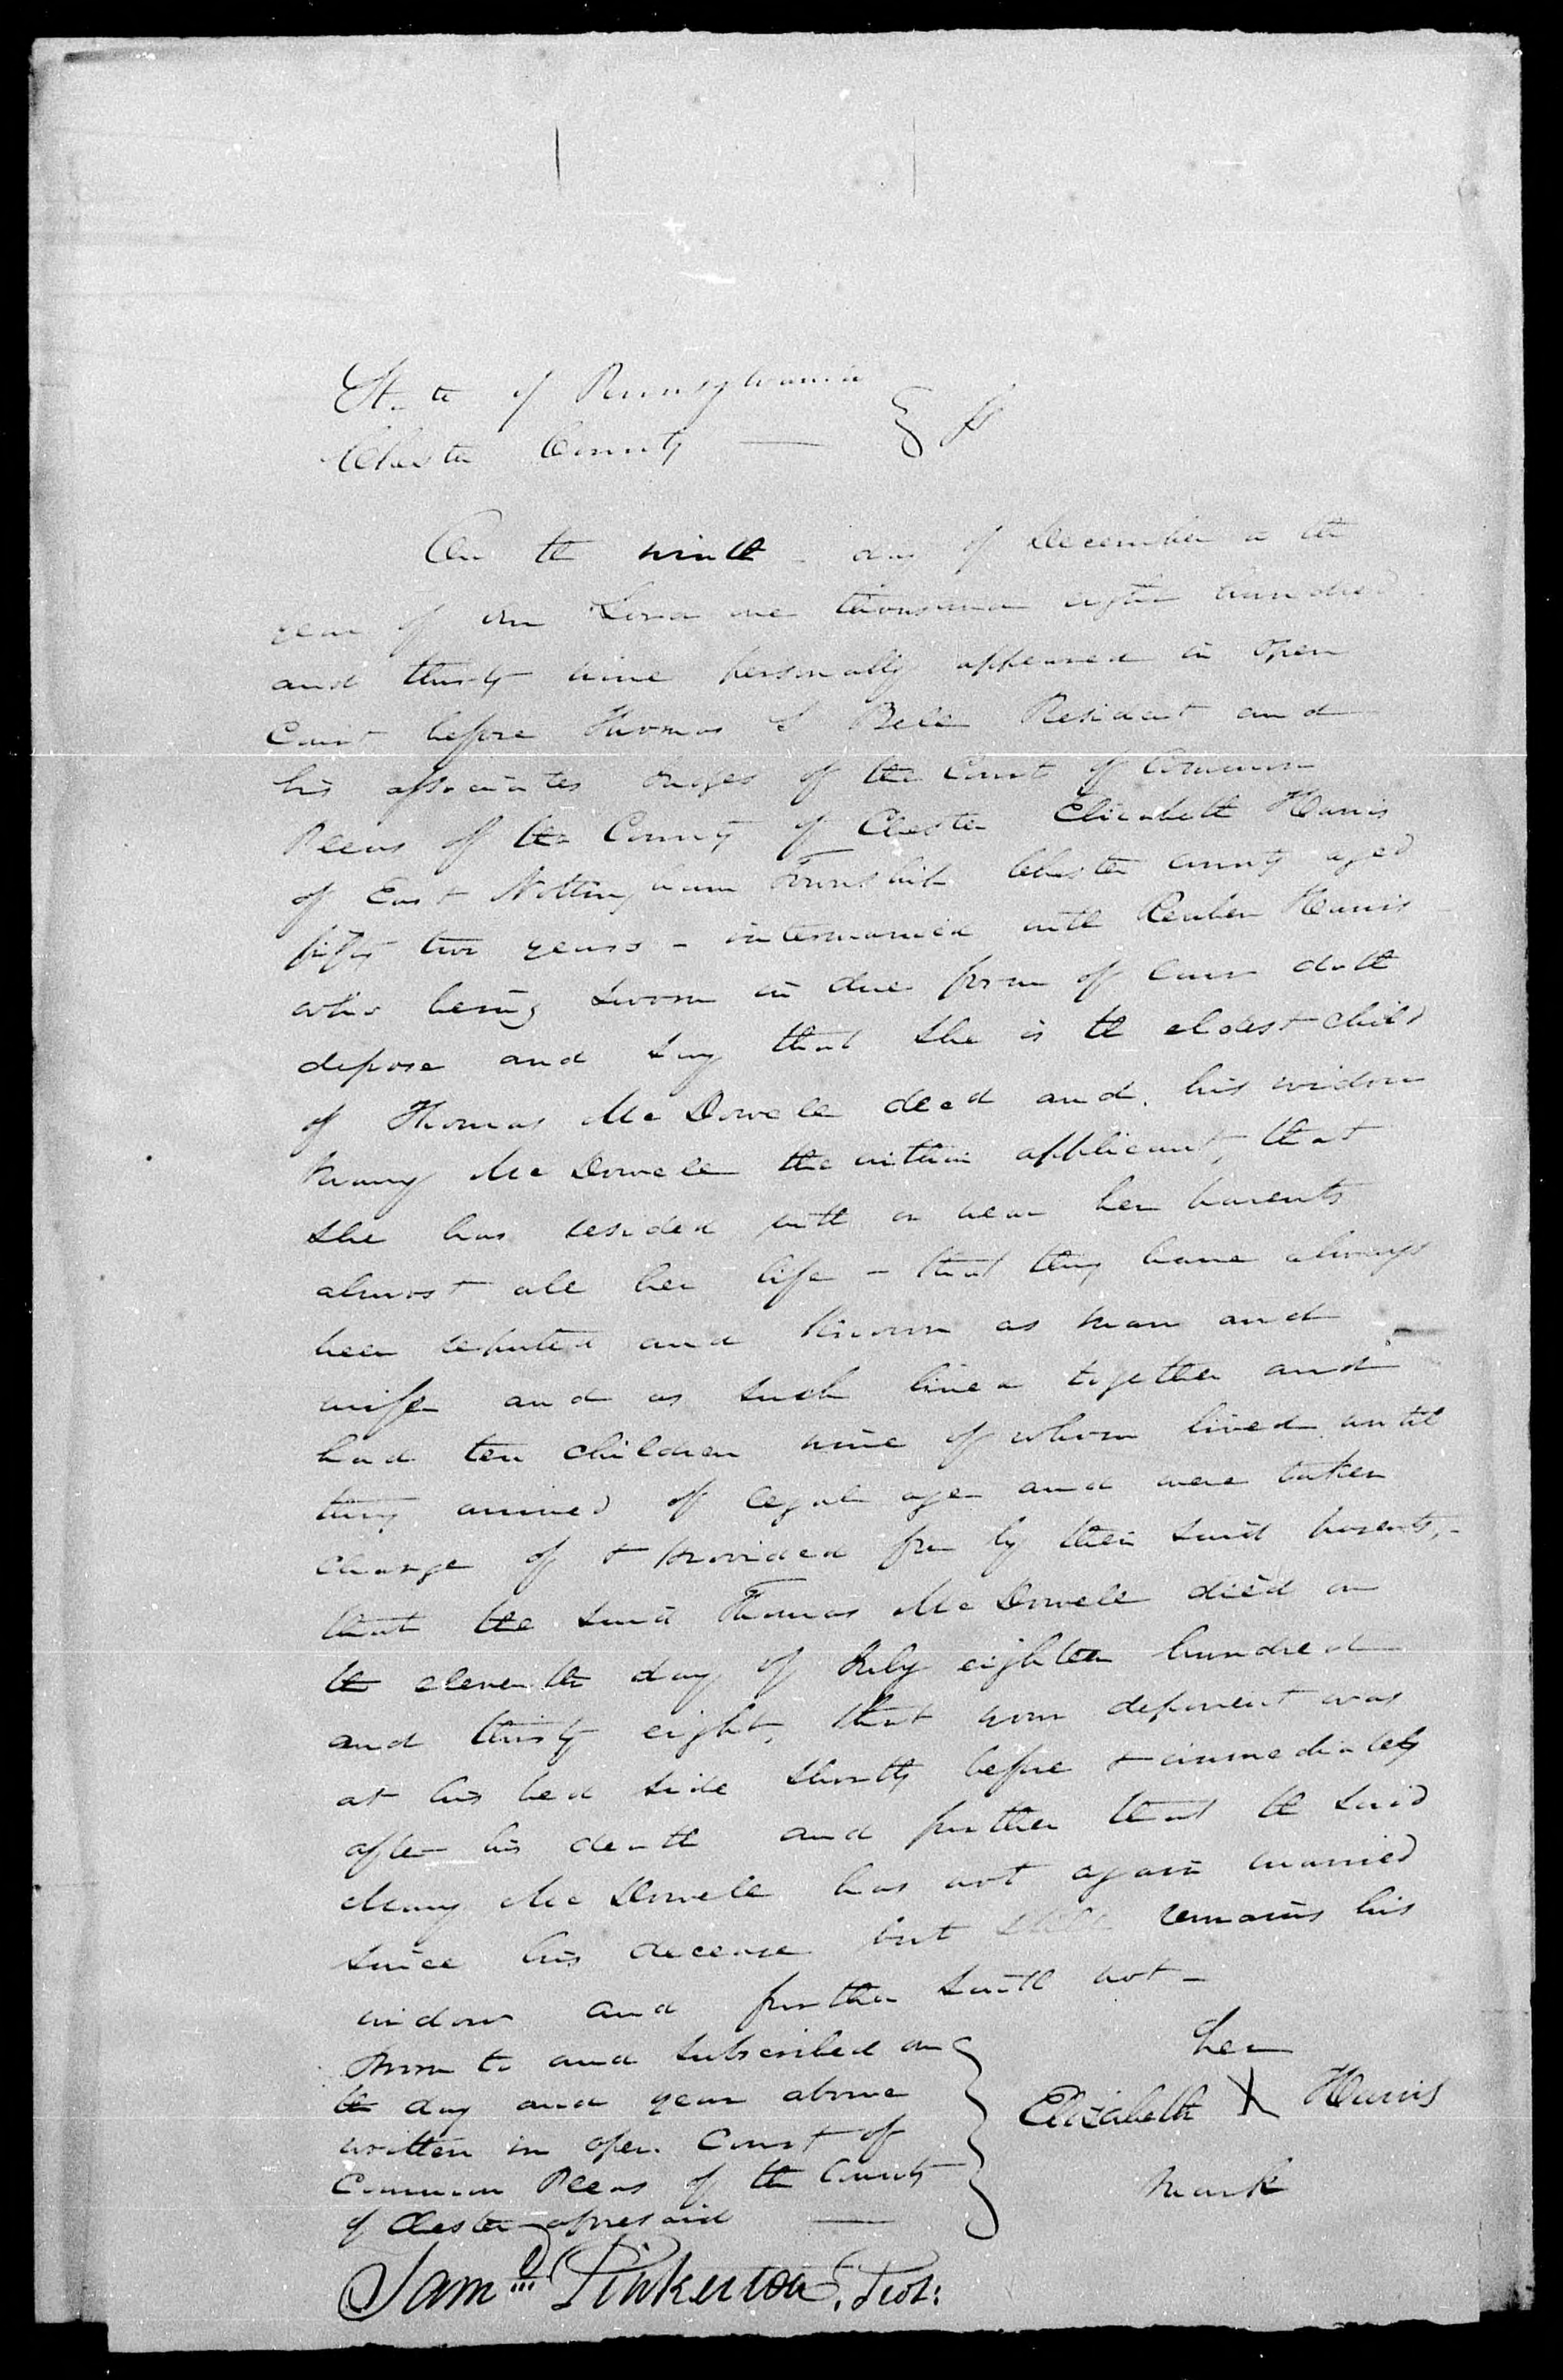State of Pennsylvania    )
Chester County   ____    )  Ss

     On the ninth day of December in the year of our Lord one thousand eight hundred and thirty nine personally appeared in Open Court before Thomas S. Bell Resident and a his associates Judges of the Court of Common Pleas of the County of Chester Elisabeth Harris  of East Nottingham Township Chester County aged fifty-two years - intermarried with Reuben Harris who being sworn in due form of law doth depose and say that She is the oldest child of Thomas McDowell decd and his widow Mary Mcdowell the within applicant, that she has resided with or near her parents almost all her life - that they have always been reputed and known as man and wife and as such lived together and had ten children nine of whom lived until they arrived of legal age and were taken charge of & provided for by their said (?) - that the said Thomas McDowell died on the eleventh day of July eighteen hundred and thirty eight, that your deponent was at his bed side shortly before & immediately after his death and further that the said Mary McDowell has not again married since his decease but still remains his widow and further Saith not -     
     Elisabeth (her mark) Harris
Sworn to and subscribed on     )
the day and year above             )
written in open Count of           )
Common Please of the County  )
of Chester aforesaid -                )

     Saml. Pinkerton, Prot:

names: Henry Mc Dowell; Reuben Harris; Thomas S Bell; Elisabeth Harris; Saml Pinkerton; Thomas Mc Dowell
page: 9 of 63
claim: widow's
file: W 2957, for Thomas Mc Dowell, Maryland